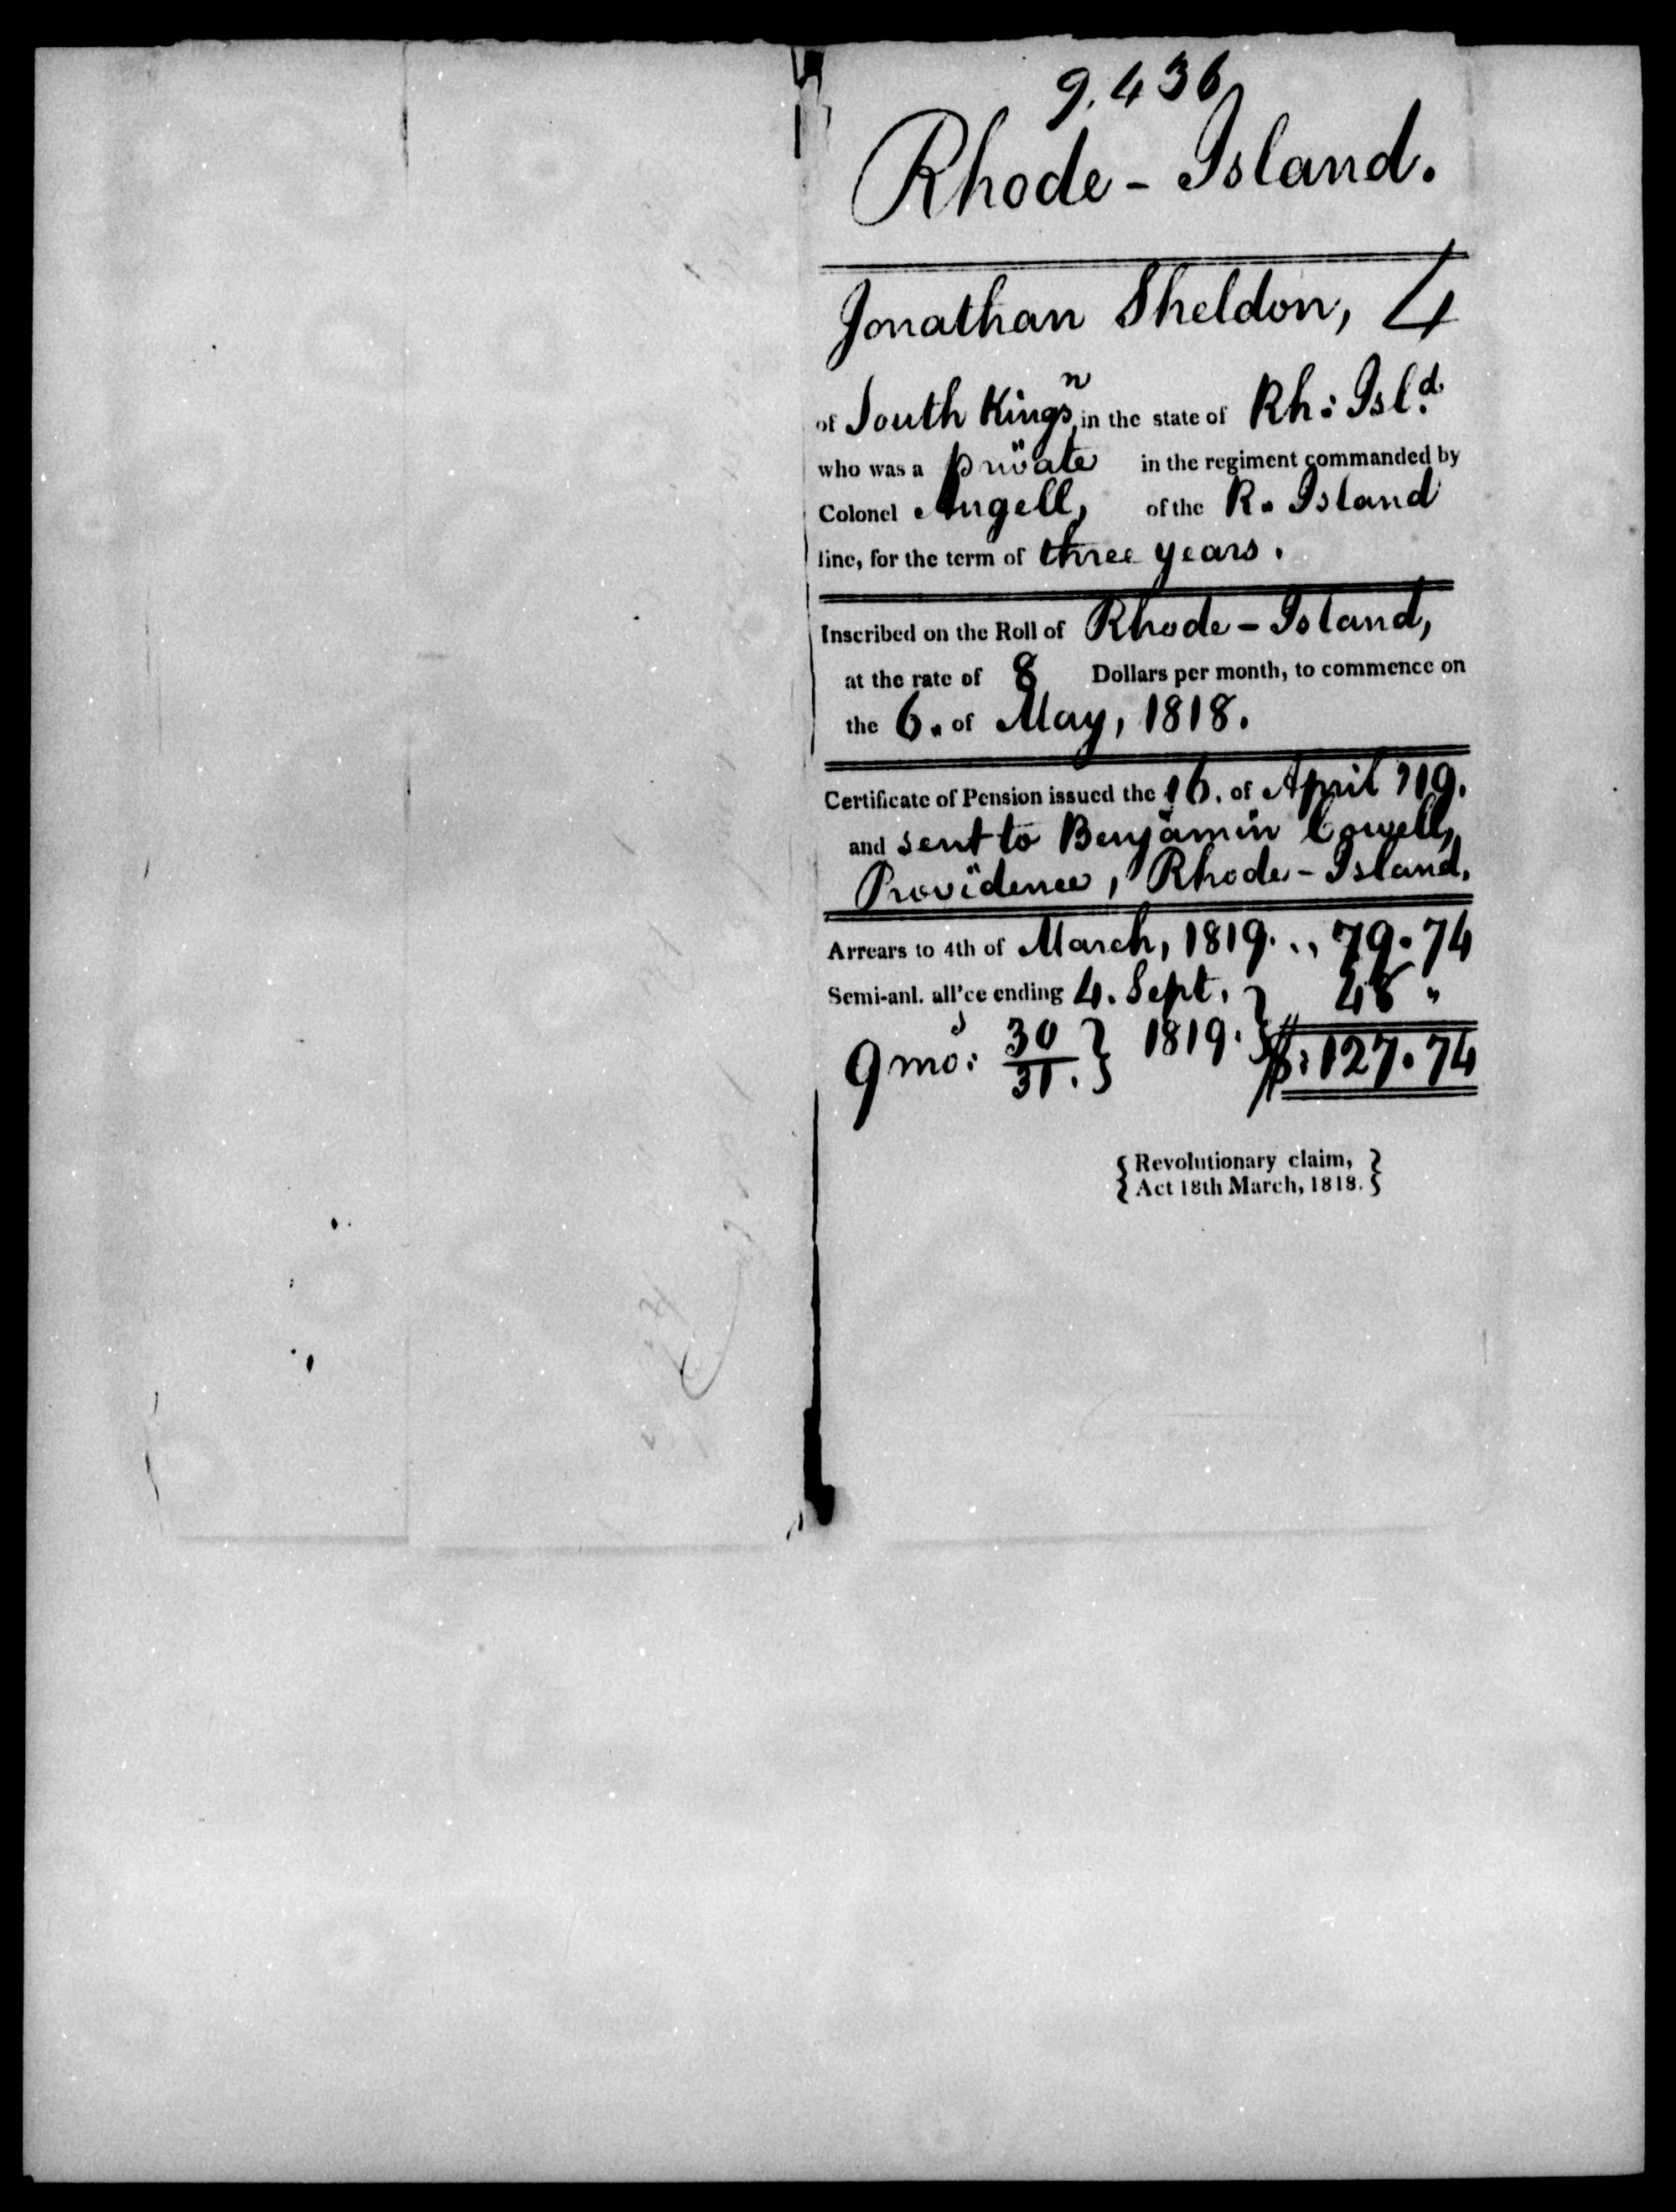9,436
Rhode Island.

Jonathan Sheldon, 4
of South Kings in the state of Rh. Isld. who was a private in the regiment commanded by Angell Angell of the R. Island line, for a term of three years.
Inscribed on the Roll of Rhode-Island, at the rate of 8 dollars per month, to commence on the 6th of May, 1818.
Certificate of Pension issued the 16. of April '19. and sent to Benjamin Cowell Providence, Rhode-Island.
Arrears t 4th of March, 1819.,,           79.74
Semi-anl. all'ce ending 4. Sept,          48.
                                                        -------
                                                        $127.74
           30                            1819.    [brace sign]
9 mo:  ---  [brace sign]          
           31.
           
[brace sign] Revolutionary claim,[brace sign]                
                    Act 18th March, 1818.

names: Benjamin Cowell; Jonathan Sheldon; [BLANK] Angell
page: 3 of 11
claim: survivor's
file: S. 39840, for Jonathan Sheldon, Rhode Island